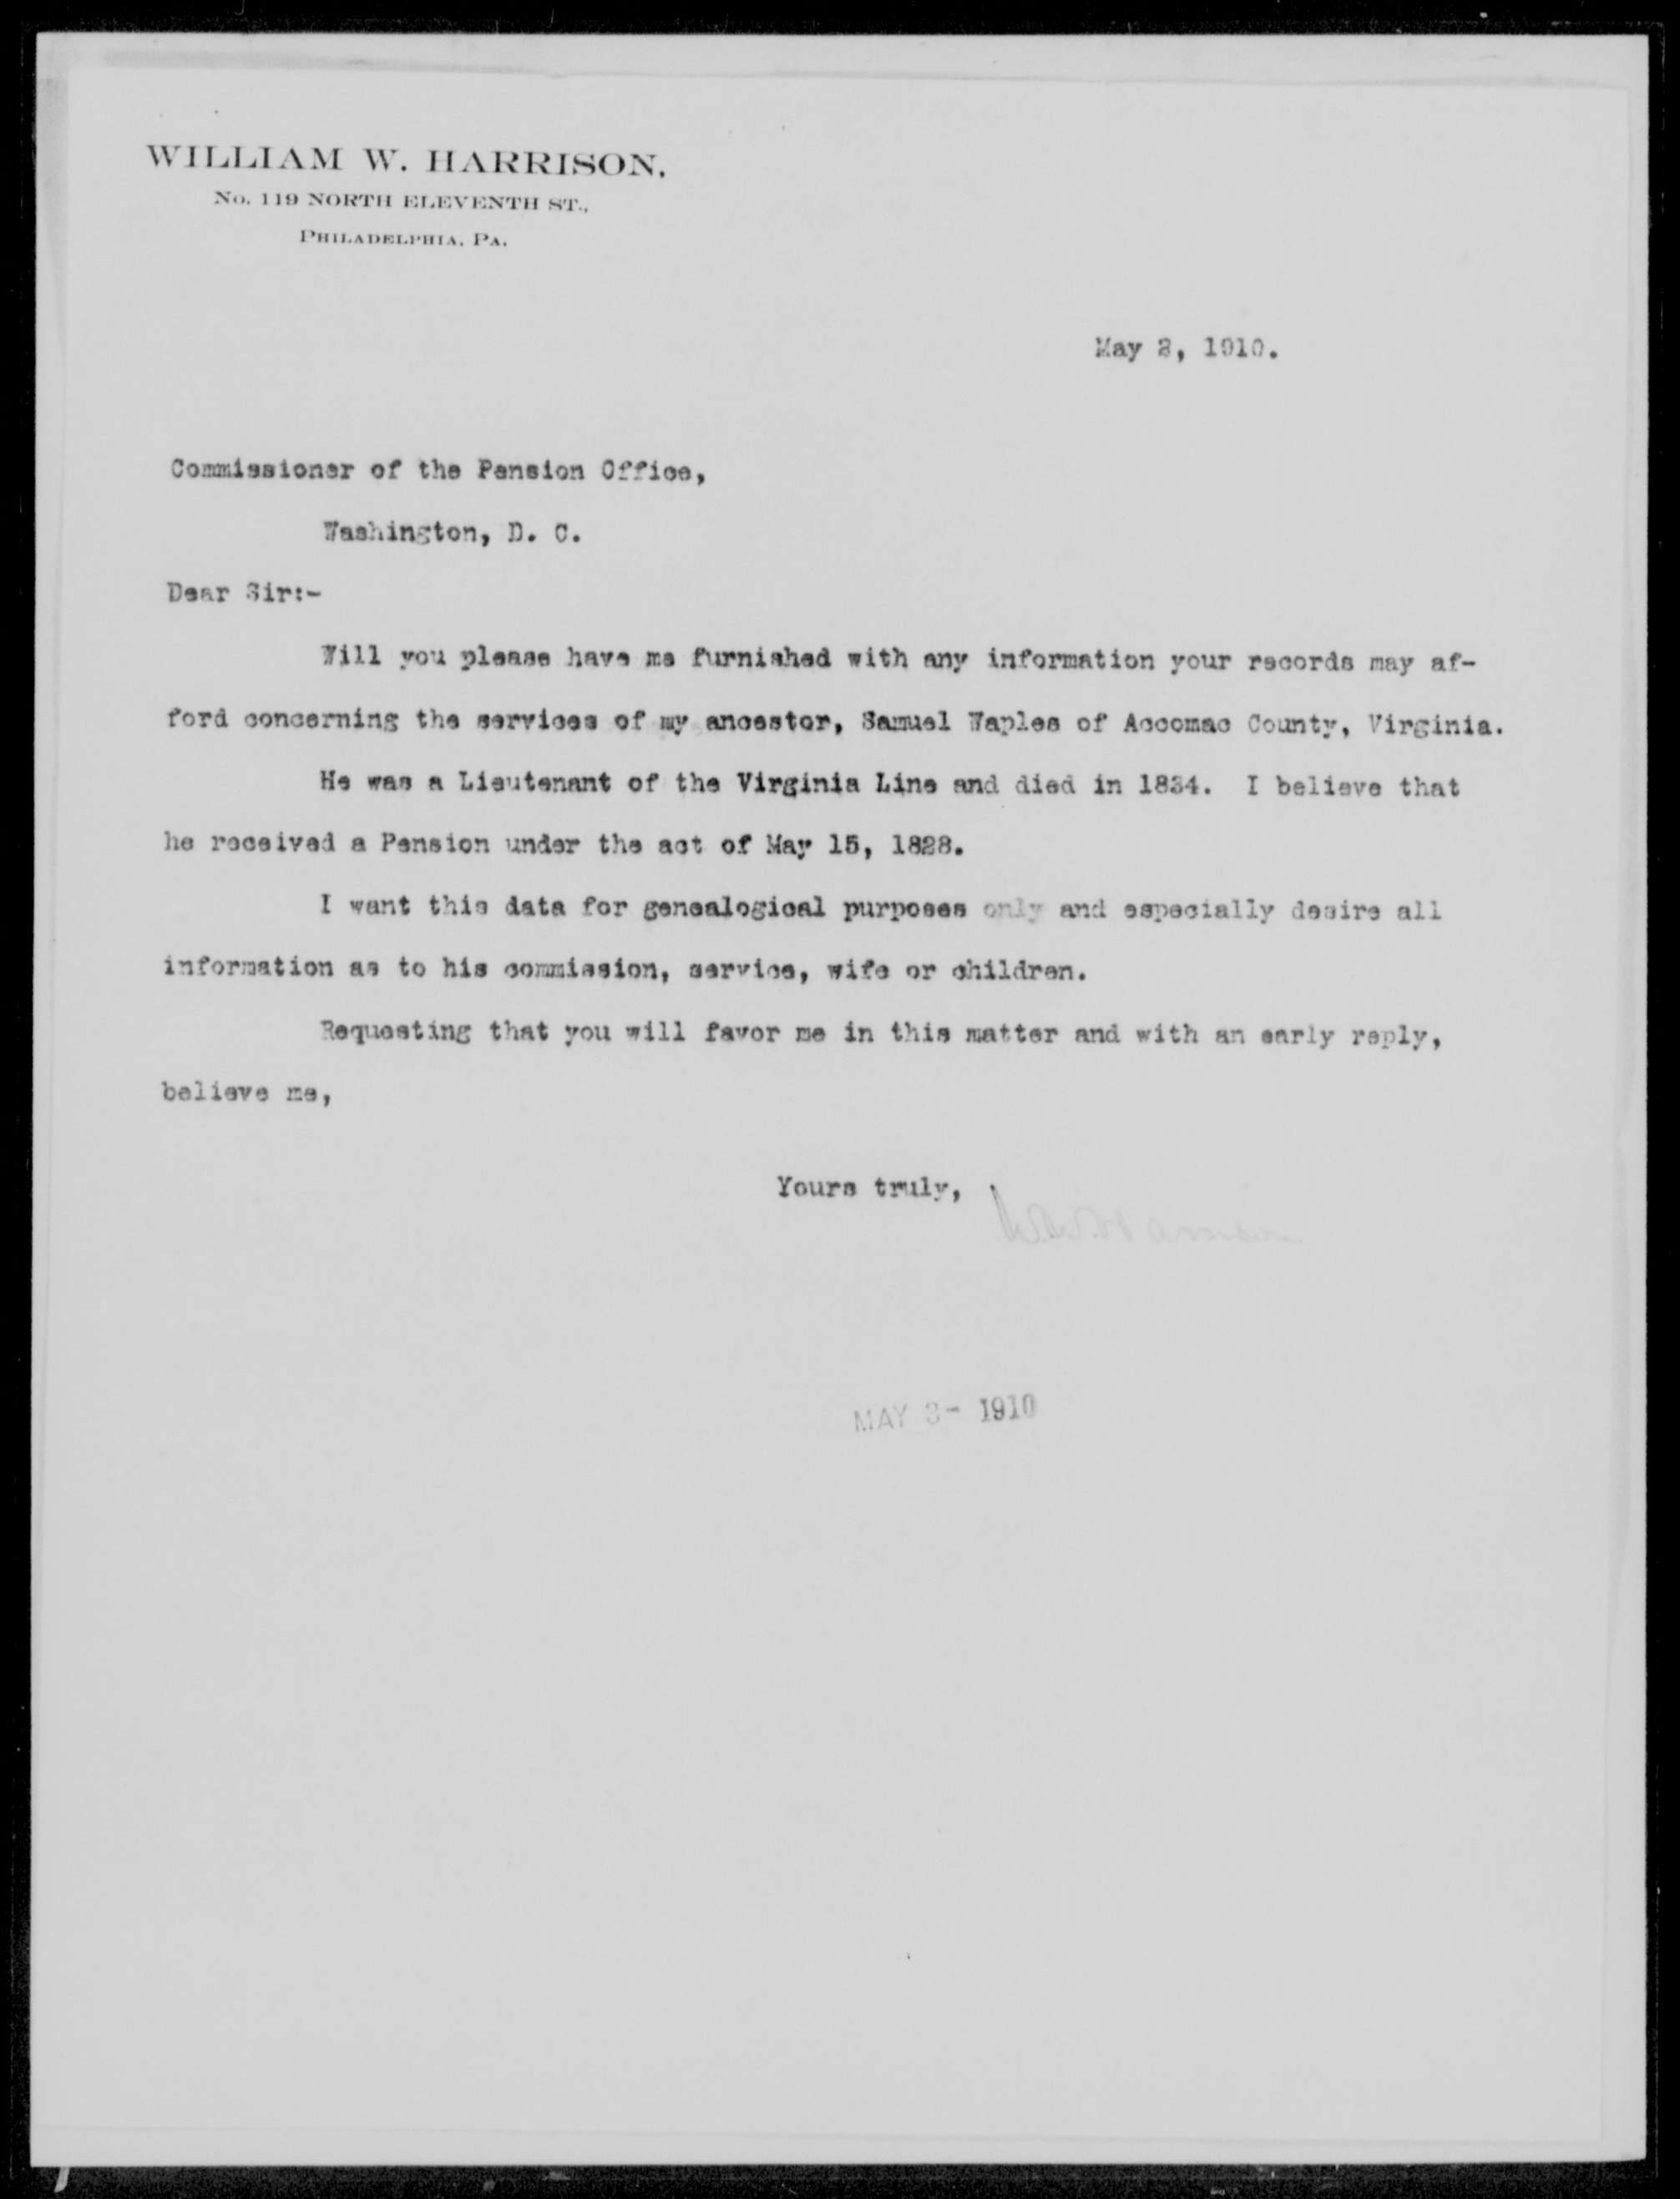[typed with printed letterhead]
[letterhead]
WILLIAM W. HARRISON,
No. 119 NORTH ELEVENTH ST.
PHILADELPHIA, PA.

May 2, 1910.

Commissioner of the Pension Office,
Washington, D. C.

Dear Sir:-

Will you please have me furnished with any information your records may afford concerning the services of my ancestor, Samuel Waples of Accomac County, Virginia.
He was a Lieutenant of the Virginia Line and died in 1834. I believe that he received a Pension under the act of May 15, 1828.
I want this data for genealogical purposes only and especially desire all information as to his commission service, wife or children.
Requesting that you will favor me in this matter and with an early reply,
believe me,
Yours truly,
[signed] W W Harrison

[stamp] MAY 3 - 1910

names: Samuel Waples, William W Harrison, Wm Harrison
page: 59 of 59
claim: widow's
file: W. 6427, Samuel Waples, Va.